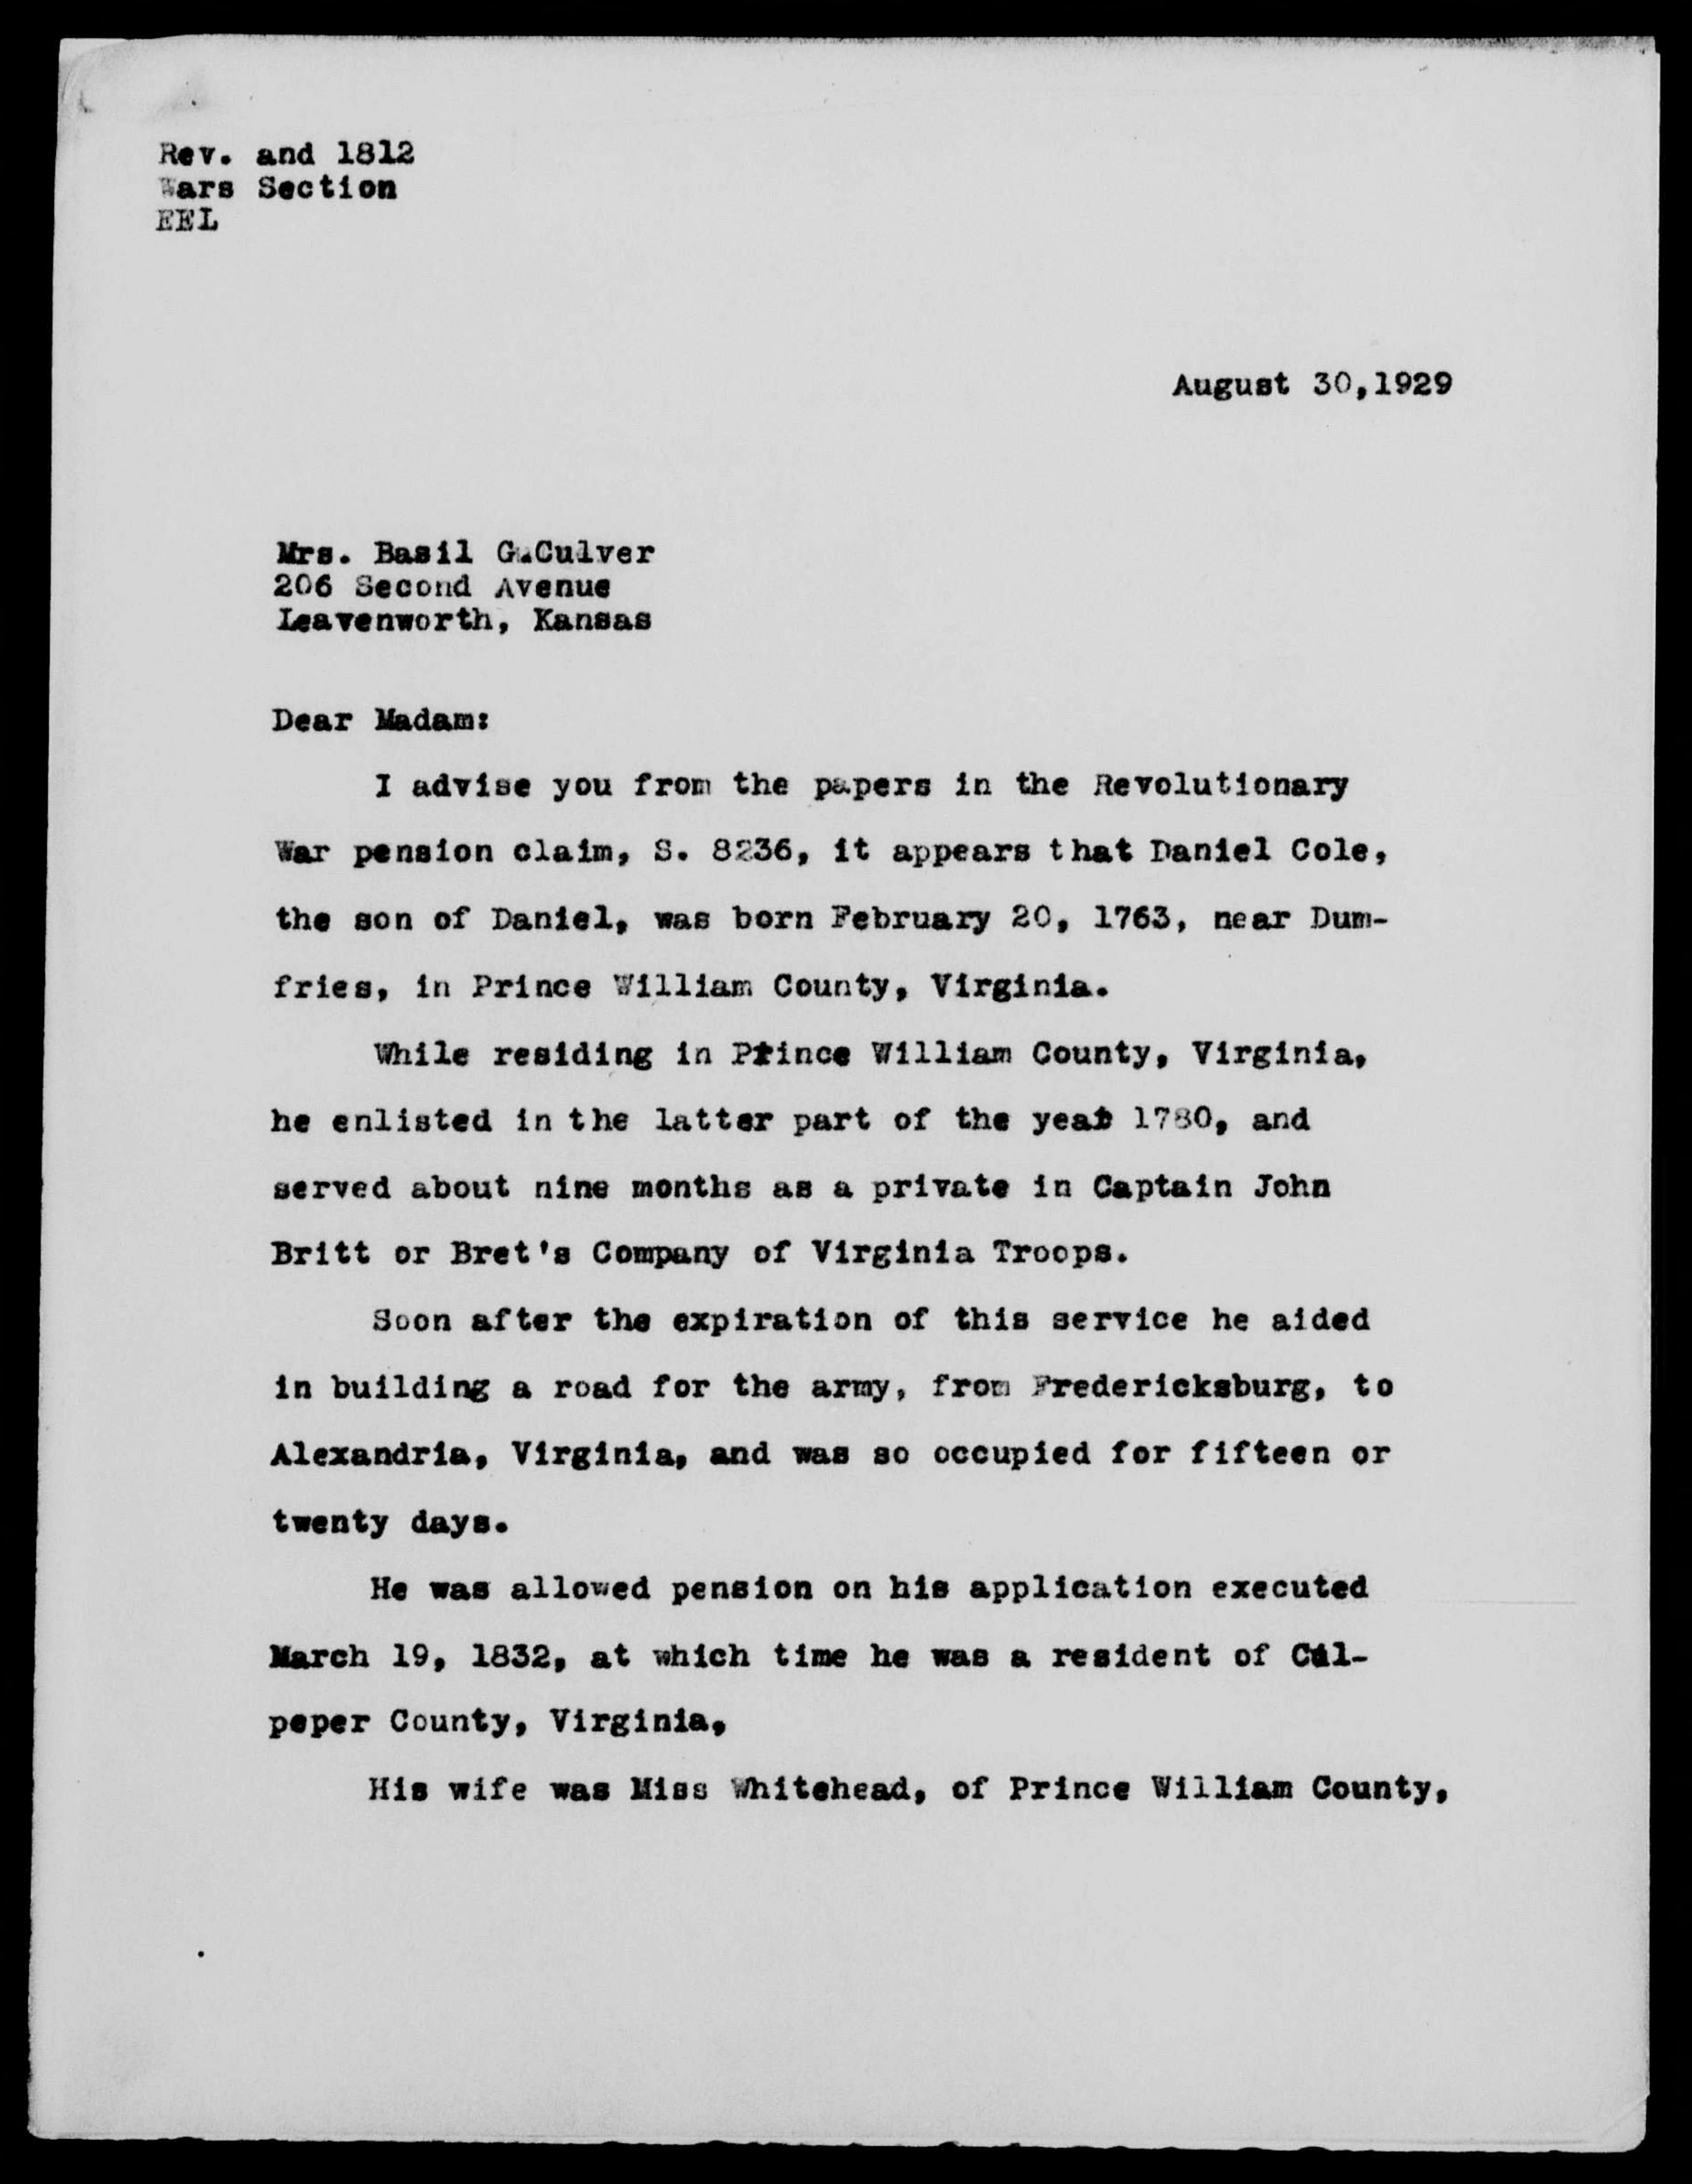Rev. and 1812
Wars Section
EEL

August 30, 1929 [centered right]

Mrs. Basil G. Culver
206 Second Avenue
Leavenworth, Kansas

Dear Madam:
I advise you from the papers in the Revolutionary War pension claim, S. 8236, it appears that Daniel Cole, the son of Daniel, was born February 20, 1763, near Dumfries, in Prince William County, Virginia.

While residing in Prince William County, Virginia, he enlisted in the latter part of the year 1780, and served about nine months as a private in Captain John Britt or Bret's Company of Virginia Troops. 

Soon after the expiration of this service he aided in building a road for the army, from Fredericksburg, to Alexandria, Virginia, and was so occupied for fifteen or twenty days.

He was allowed pension on his application executed March 19, 1832, at which time he was a resident of Culpeper County, Virginia,

His wife was Miss Whitehead, of Prince William County,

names: Whitehead, Daniel, Daniel Cole, Basil G Culver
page: 53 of 61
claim: survivor's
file: S. 8236, Daniel Cole, Va.